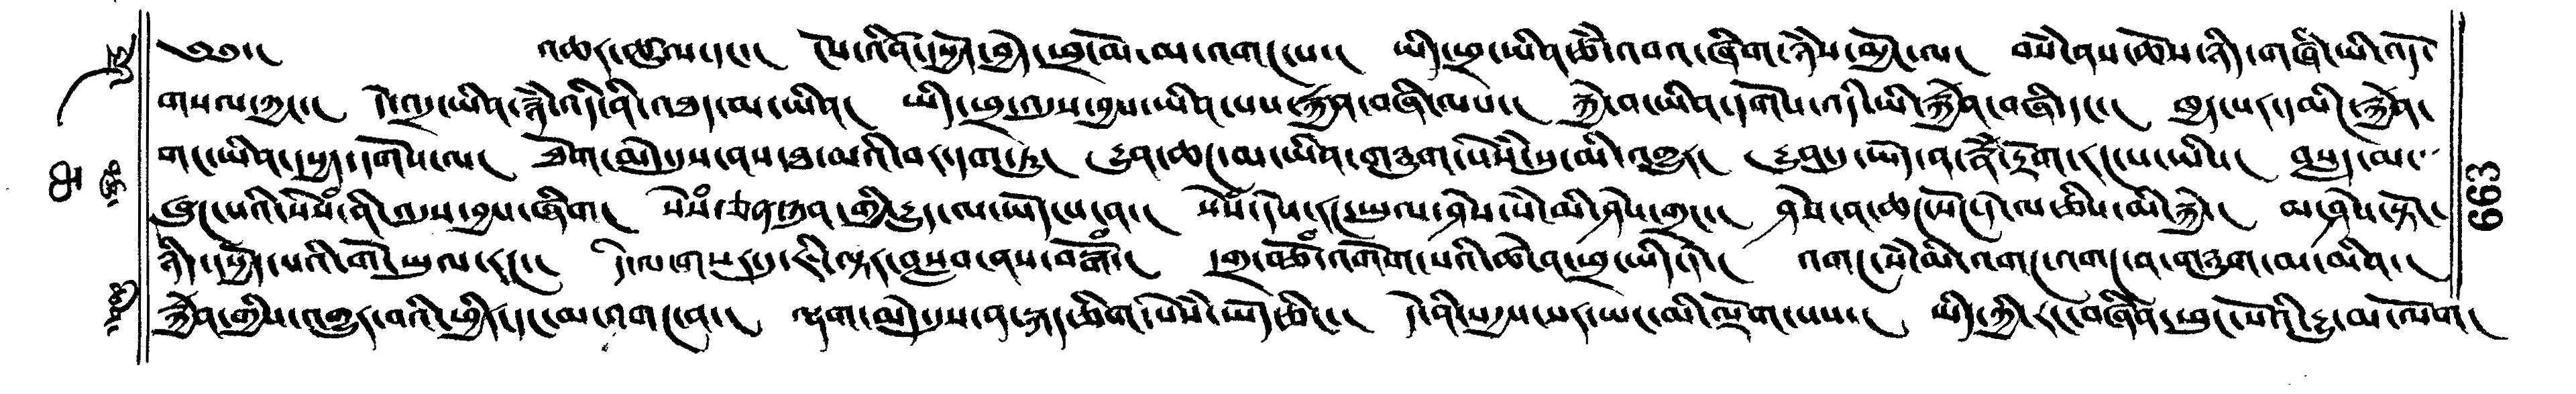འཆར་ཚུལ་དང་། །ངོས་འཛིན་དཔྱོད་བྱེད་ཕྲ་མོ་མ་འགགས་པ། །ཡིད་ཕྲ་ཡིན་ཙམ་འབའ་ཞིག་ཉམས་མྱོང་ལ། །བསམ་ནས་ཆོས་ཉིད་གཞི་ཡི་འོད་
གསལ་ཀྱང་། །དེ་འདྲ་ཡིན་སྙམ་འདི་ནི་འཐད་མ་ཡིན། །ཡིད་ཕྲ་འདུས་བྱས་ཡིན་པས་རྐྱེན་བཞི་ལས། །སྐྱེ་བ་ཡིན་དགོས་འདི་ཡི་རྐྱེན་བཞི་དང་། ཁྱད་པར་དམིགས་རྐྱེན་
གང་ཡིན་དཔྱད་དགོས་ལ། །ཐོག་མེད་དུས་ནས་ཐ་མའི་བར་དག་ཏུ། །རྒྱུན་ཆགས་མ་ཡིན་གཉུག་སེམས་སུ་མི་འགྱུར། །རྒྱུན་དུ་ཡོད་ན་རྣམ་རྟོག་རགས་པ་ཡིས། །བསླད་མ་
ཞུགས་པའི་སེམས་ནི་འདུས་བྱས་ཞིག སེམས་ཅན་ཀུན་གྱི་རྒྱུད་ལ་ཡོད་པ་ན། །སེམས་དེས་རང་ཡུལ་ཤེས་སམ་མི་ཤེས་གྲང་། །ཤེས་ན་ཆགས་སོགས་དེ་ལ་ཅིས་མི་སྐྱེ། །མ་ཤེས་སྟོང་
ཉིད་དཔྱོད་པའི་གོ་ཡུལ་རགས། །དེ་ལ་གསར་དུ་ཇི་ལྟར་བསླབ་ནས་བསྒོམ། །དགྲ་བཅོམ་འགོག་པའི་ཚེ་ན་ཕྲ་ཡིད་དེ། །འགགས་སམ་མི་འགགས་འགགས་ན་གཉུག་མ་མིན། །
རྐྱེན་གྱིས་འགྱུར་བའི་ཕྱིར་དང་མ་འགགས་ན། །ལྷག་མེད་དུས་ན་སྐད་ཅིག་སེམས་ཡོད་ཅིང་། །དེ་ནི་སངས་རྒྱས་སར་ཡང་མི་ལྡོག་པས། །ཡིད་ཀྱི་རང་བཞིན་ཕུང་པོའི་རྒྱུ་མ་ལོག